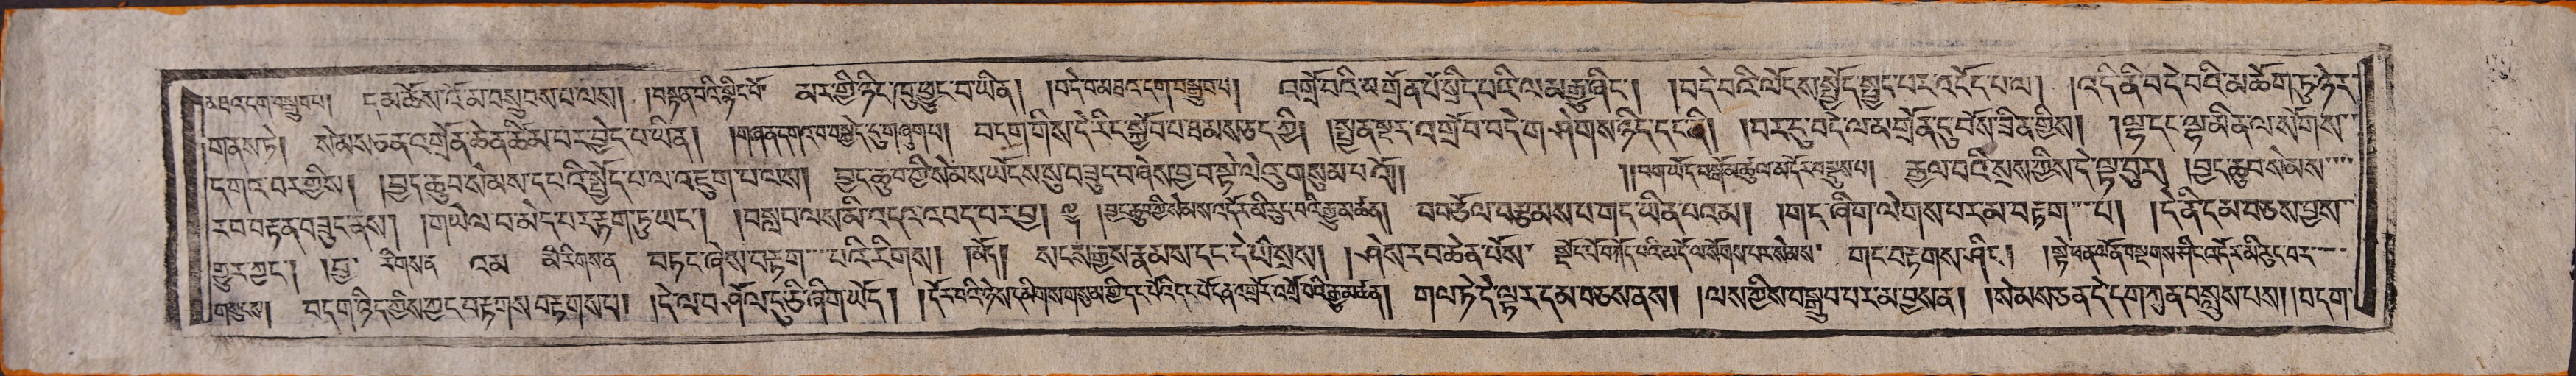མཐའ་དག་བསྒྲུབ་པ། དམ་ཆོས་འོ་མ་བསྲུབས་པ་ལས། །བསྟན་པའི་སྙིང་པོ་མར་གྱི་ཉིང་ཁུ་ཕྱུང་བ་ཡིན། །བདེ་བ་མཐའ་དག་བསྒྲུབ་པ། འགྲོ་བའི་འགྲོན་པོ་སྲིད་པའི་ལམ་རྒྱུ་ཞིང་། །བདེ་བའི་ལོངས་སྤྱོད་སྤྱོད་བར་འདོད་པ་ལ། །འདི་ནི་བདེ་བའི་མཆོག་ཏུ་ཉེར་
གནས་ཏེ། །སེམས་ཅན་འགྲོན་ཆེན་ཚིམ་པར་བྱེད་པ་ཡིན། །གཞན་དགའ་བ་བསྐྱེད་དུ་གཞུག་པ།  བདག་གིས་དེ་རིང་སྐྱོབ་པ་ཐམས་ཅད་ཀྱི། །སྤྱན་སྔར་འགྲོ་བ་བདེ་གཤེགས་ཉིད་དང་ནི། །བར་དུ་བདེ་ལ་མགྲོན་དུ་བོས་ཟིན་གྱིས། །ལྷ་དང་ལྷ་མིན་ལ་སོགས་
དགའ་བར་གྱིས། །བྱང་ཆུབ་སེམས་དཔའི་སྤྱོད་པ་ལ་འཇུག་པ་ལས། བྱང་ཆུབ་ཀྱི་སེམས་ཡོངས་སུ་བཟུང་བ་ཞེས་བྱ་བ་སྟེ་ལེའུ་གསུམ་པའོ།། །།བག་ཡོད་བསྒོམ་ཚུལ་མདོར་བསྡུས་པ།  རྒྱལ་བའི་སྲས་ཀྱིས་དེ་ལྟ་བུར། །བྱང་ཆུབ་སེམས་
རབ་བརྟན་བཟུང་ནས། །གཡེལ་བ་མེད་པར་རྟག་ཏུ་ཡང་། །བསླབ་ལས་མི་དགའ་འབད་པར་བྱ། ༈ །བྱང་ཆུབ་ཀྱི་སེམས་འདོར་མི་རུང་བའི་རྒྱུ་མཚན།  བབ་ཅོལ་བརྩམས་བ་གང་ཡིན་པའམ། །གང་ཞིག་ལེགས་པར་མ་བརྟགས་པ། །དེ་ནི་དམ་བཅས་བྱས་
གྱུར་ཀྱང་། །བྱ་རིགས་ན་འམ་མི་རིགས་ན་བཏང་ཞེས་བརྟགས་པའི་རིགས། །མོད།  སངས་རྒྱས་རྣམས་དང་དེ་ཡི་སྲས། །ཤེས་རབ་ཆེན་པོས་སྡོང་པོ་བཀོད་པའི་མདོ་ལ་སོགས་པར་སེམས་གང་བརྟགས་ཤིང་། །སྟེ་ཕན་ཡོན་བསྔགས་ཤིང་འདིར་མི་རུང་བར་
གསུངས། བདག་ཉིད་ཀྱིས་ཀྱང་བརྟགས་བརྟགས་པ། །དེ་ལ་བཤོལ་དུ་ཅི་ཞིག་ཡོད། །དོར་བའི་ཉེས་དམིགས་གསུམ་གྱི་དང་པོའི་དང་པོ་ངན་འགྲོར་འགྲོ་བའི་རྒྱུ་མཚན།  གལ་ཏེ་དེ་ལྟར་དམ་བཅས་ནས། །ལས་ཀྱིས་བསྒྲུབ་པར་མ་བྱས་ན། །སེམས་ཅན་དེ་དག་ཀུན་བསླུས་པས། །བདག་